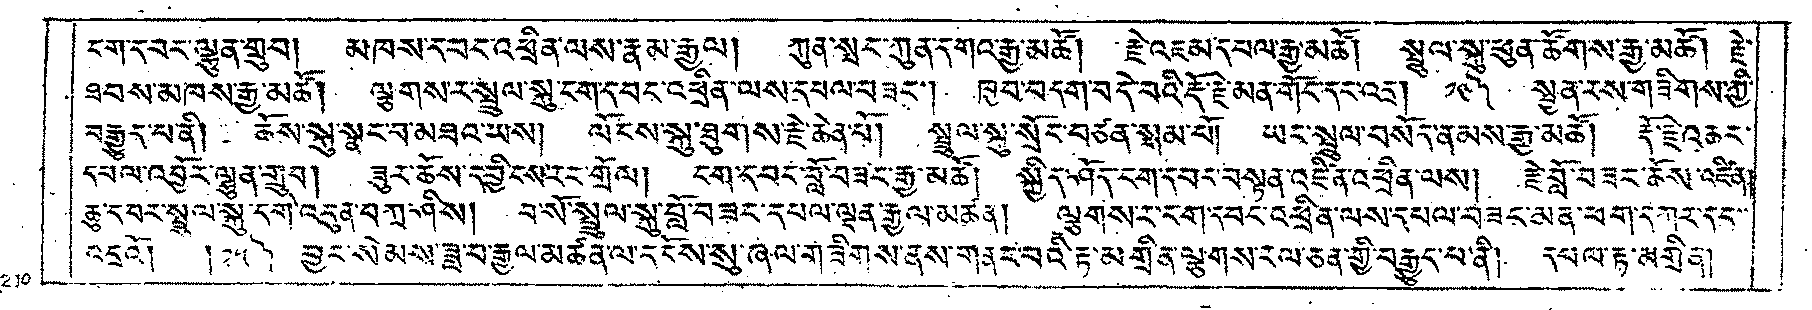ངག་དབང་ལྷུན་གྲུབ། མཁས་དབང་འཕྲིན་ལས་རྣམ་རྒྱལ། ཀུན་སྤང་ཀུན་དགའ་རྒྱ་མཚོ། རྗེ་འཇམ་དཔལ་རྒྱ་མཚོ། སྤྲུལ་སྐུ་ཕུན་ཚོགས་རྒྱ་མཚོ། རྗེ་
ཐབས་མཁས་རྒྱ་མཚོ། ལྕགས་ར་སྤྲུལ་སྐུ་ངག་དབང་འཕྲིན་ལས་དཔལ་བཟང་། ཁྱབ་བདག་བདེ་བའི་རྡོ་རྗེ་མན་གོང་དང་འདྲ། ༡༤}་སྤྱན་རས་གཟིགས་ཀྱི་
བརྒྱུད་པ་ནི། ཆོས་སྐུ་སྣང་བ་མཐའ་ཡས། ལོངས་སྐུ་ཐུགས་རྗེ་ཆེན་པོ། སྤྲུལ་སྐུ་སྲོང་བཙན་སྒམ་པོ། ཡང་སྤྲུལ་བསོད་ནམས་རྒྱ་མཚོ། རྡོ་རྗེ་འཆང་
དཔལ་འབྱོར་ལྷུན་གྲུབ། ཟུར་ཆོས་དབྱིངས་རང་གྲོལ། ངག་དབང་བློ་བཟང་རྒྱ་མཚོ། སྐྱིད་ཤོད་ངག་དབང་བསྟན་འཛིན་འཕྲིན་ལས། རྗེ་བློ་བཟང་ཆོས་འཛིན།
ཆུ་དབར་སྤྲུལ་སྐུ་དགེ་འདུན་བཀྲ་ཤིས། བ་སོ་སྤྲུལ་སྐུ་བློ་བཟང་དཔལ་ལྡན་རྒྱལ་མཚན། ལྕགས་ར་ངག་དབང་འཕྲིན་ལས་དཔལ་བཟང་མན་ཕག་དཀར་དང་
འདྲའོ། །༡༥}་བྱང་སེམས་ཟླ་བ་རྒྱལ་མཚན་ལ་དངོས་སུ་ཞལ་གཟིགས་ནས་གནང་བའི་རྟ་མགྲིན་ལྕགས་རལ་ཅན་གྱི་བརྒྱུད་པ་ནི། དཔལ་རྟ་མགྲིན།